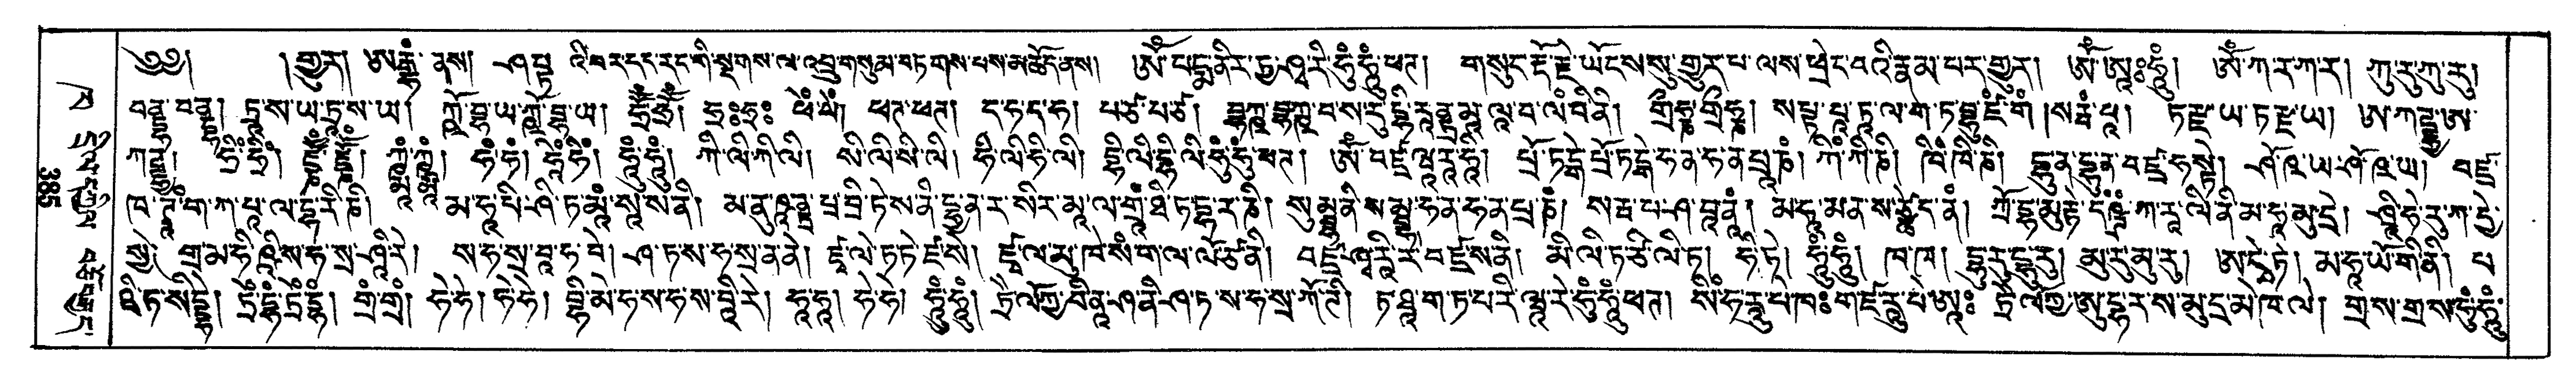༄༅། །གྱུར། ཨརྒྷཾ་ནས། ཤྤྟའི་བར་རང་རང་གི་སྔགས་ལ་འབྲུ་གསུམ་བཏགས་པས་མཆོད་ནས། ཨོཾ་པདམ་ནིར་ཏྱ་ཤྭ་རི་ཧུཾ་ཧཱུཾ་ཕཊ། གསུང་རྡོ་རྗེ་ཡོངས་སུ་གྱུར་པ་ལས་ཕྲེང་བའི་རྣམ་པར་གྱུར། ཨོཾ་ཨཱཿ ཧཱུཾ། ཨོཾ་ཀ་ར་ཀ་ར། ཀུ་རུ་ཀུ་རུ།
བནྡྷ་བནྡྷ། ཏྲཱས་ཡ་ཏྲཱ་ས་ཡ། ཀྵོ་བྷ་ཡ་ཀྵོ་བྷ་ཡ། ཧྲཽཾ་ཧྲཽཾ། ཧྲཿ ཧྲཿ ཕེཾ་ཕེཾ། ཕཊ་ཕཊ། ད་ཧ་ད་ཧ། པ་ཙ་པ་ཙ། བྷཀྵ་བྷཀྵ་བ་ས་རུ་དྷི་རཱ་ནྟྲ་མཱ་བ་ལཾ་བི་ནི། གྲིཧྞ་གྲིཧྞ། སཔྟ་པཱ་ཏཱ་ལ་ག་ཏ་བྷུ་ཛིཾ་གཾ་།སརྦཾ་པཱ། ཏ་རྫ་ཡ་ཏ་རྫ་ཡ། ཨ་ཀཎྷྱ་ཨ་
ཀཌྜྷྱ། ཧྲིཾ་ཧྲིཾ། ཛྞཽཾ་ཛྞཽཾ། ཀྵྨཱཾ་ཀྵྨཱཾ། ཧཾ་ཧཾ། ཧཱིཾ་ཧཱིཾ། ཧུཾ་ཧཱུཾ། ཀི་ལི་ཀི་ལི། སི་ལི་སི་ལི། ཧི་ལི་ཧི་ལི། དྷི་ལི་དྷི་ལི་ཧུཾ་ཧཱུཾ་ཕཊ། ཨོཾ་བཛྲ་ཝཱ་རཱ་ཧཱི། པྲོ་ཏ་ངྒེ་པྲོ་དྷ་ངྒེ་ཧ་ན་ཧ་ན་པྲཱ་ཎཾ། ཀིཾ་ཀི་ཎྀ། ཁིཾ་ཁི་ཎི། དྷུ་ན་དྷུ་ན་བཛྲ་ཧ་སྟེ། ཤོ་ཥ་ཡ་ཤོ་ཥ་ཡ། བཛྲ་
ཁ་ཊྭཱཾ་ག་ཀ་པཱ་ལ་དྷ་རི་ཎི། མ་ཧཱ་པི་ཤི་ཏ་མཱཾ་སཱ་ས་ནི། མ་ནུ་ཥཱནྟྲ་པྲ་བྲི་ཏེ་ས་ནི་དྷྱ་ན་ར་སི་ར་མཱ་ལ་གྲཱཾ་ཐི་ཏ་དྷ་ར་ཎི། སུམྦྷ་ནི་སུམྦྷ་ཧ་ན་ཧ་ན་པྲ་ནཾ། སརྦ་པ་ཤ་བཱ་ནཱཾ། མ་ཧཱ་མ་ན་ས་ཙྪེ་ད་ནི། ཀྲོ་དྷ་མུ་རྟེ་དཾཥྚྲཾ་ཀ་རཱ་ལི་ནི་མ་ཧཱ་མུ་དྲེ། ཤྲཱི་ཧེ་རུ་ཀ་དྱེ་
སྱེ༑ གྲ་མ་ཧི་ཥཱི་ས་ཧ་སྲ་ཤཱི་རེ། ས་ཧ་སྲ་བཱ་ཧ་པེ། ས་ཧ་ས་ཧ་སྲ་ན་ནེ། ཛྭ་ལི་ཏྲ་ཏེ་ཛ་སེ། ཛྭ་ལཱ་མུ་ཁེ་སཾ་ག་ལ་ལོ་ཙ་ནེ། བཛྲ་ཤྭ་རཱི་རེ་བཛྲ་ས་ནི། མི་ལི་ཏ་ཙི་ལི་ཏ། ཧེ་ཧེ། ཧཱུཾ་ཧཱུཾ། ཁ་ཁ། དྷུ་རུ་དྷུ་རུ། མུ་རུ་མུ་རུ། ཨ་དྲེ་ཏེ། མ་ཧཱ་ཡོ་གི་ནཱི། བ་
ཊཿཨི་ཏ་སིདྡྷེ། ཏྲེཾ་དྷཾ་ཏྲེཾ་དྷཾ། གྲཾ་གྲཾ། ཧེ་ཧེ། བྷི་མེ་ཧ་ས་ཧ་ས་བཱི་རེ། ཧཱ་ཧཱ། ཧེ་ཧེ། ཧཱུཾ་ཧཱུཾ། ཏྲཻ་ལོ་ཀྱ་བི་ནཱ་ཤ་ནི་ཤ་ཏ་ས་ཧ་སྲ་ཀོ་ཊི། ཏ་ཐཱ་ག་ཏ་པ་རི་ཝཱ་རེ་ཧུཾ་ཧཱུཾ་ཕཊ། སིཾ་ཧ་རཱུ་པེ་ཁཿ ག་ཛ་རཱུ་པེ་ཨཱཿ ཏྲཻ་ལོ་ཀྱ་ཨུ་དྷ་རེ་ས་མུ་དྲ་མེ་ཁ་ལ། གྲ་ས་གྲ་ས་ཧུཾ་ཧཱུཾ་